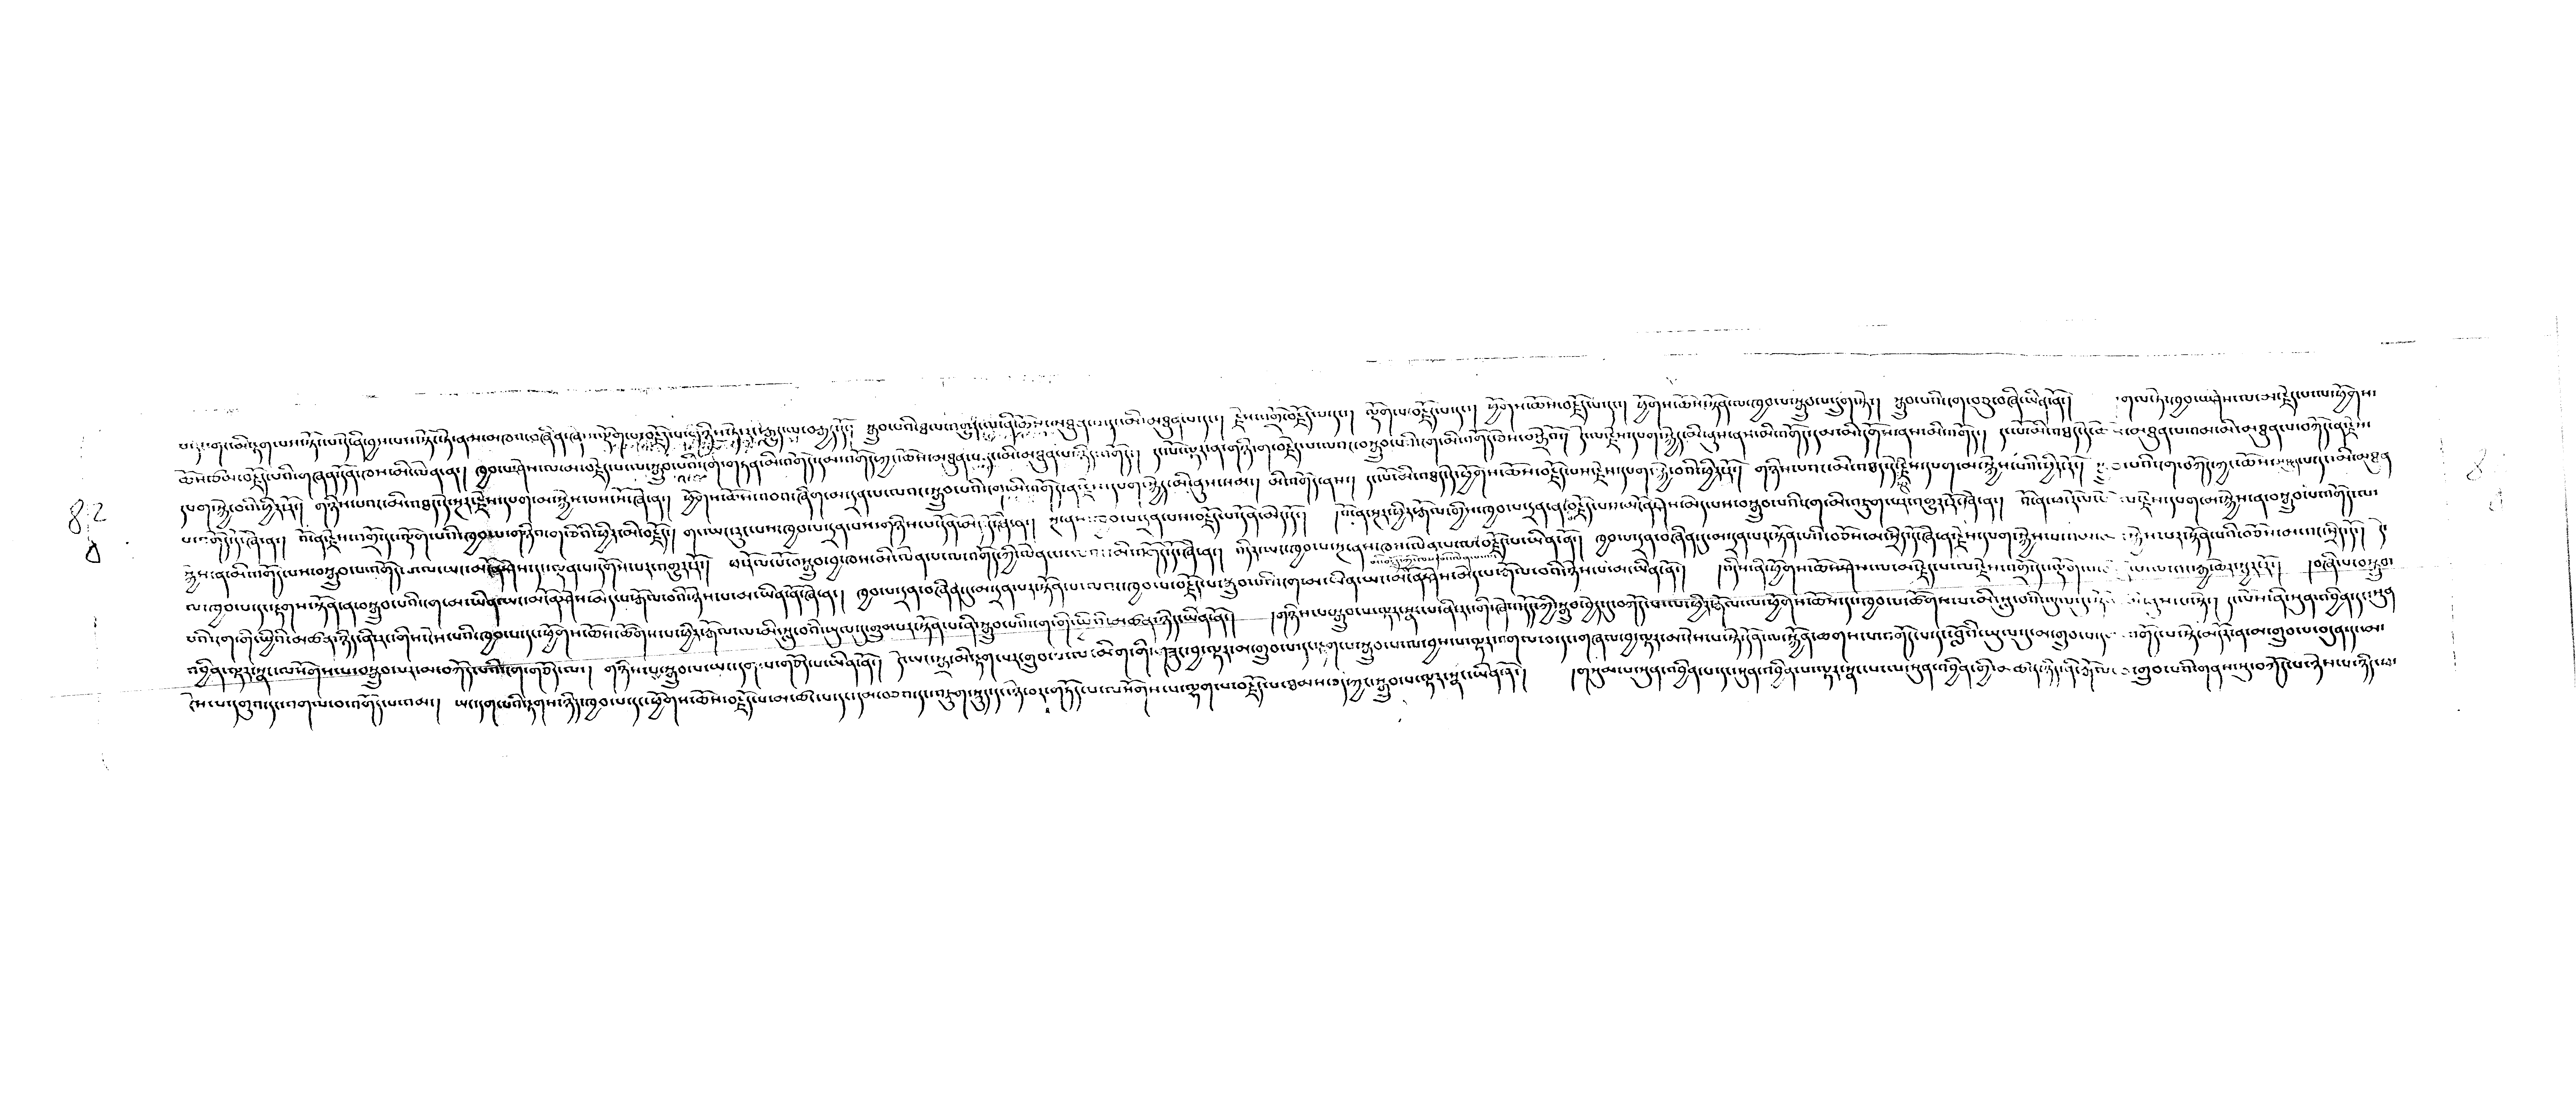པ་དང་གང་མི་རྟག་པས་སྟོང་པ་དེ་ནི་བྱས་པས་སྟོང་ཏེ་ནམ་མཁའ་བཞིན་ཞེས་ལྡོག་པ་བརྗོད་པ་གཉིས་ཏེ་རང་རྒྱུད་ལ་བརྒྱད་དོ། སྒྲུབ་པའི་ཐལ་འགྱུར་ལ་ནི་ཆོས་མཐུན་པ་དང་མི་མཐུན་པ་དང་། རྗེས་འགྲོ་བརྗོད་པ་དང་། ལྡོག་པ་བརྗོད་པ་དང་། ཕྱོགས་ཆོས་བརྗོད་པ་དང་། ཕྱོགས་ཆོས་སྟོན་ལ་ཁྱབ་པ་སྒྲུབ་པ་དྲུག་སྟེ། སྒྲུབ་པའི་ངག་བཅུ་བཞི་ཡིན་ནོ། །གལ་ཏེ་ཁྱབ་པ་ཤེས་ལ་མ་རྗེད་པ་ལ་ཕྱོགས་
ཆོས་ཙམ་བརྗོད་པའི་གཞན་དོན་ཁས་མི་ལེན་ན། ཁྱབ་པ་ཤེས་ལ་མ་བརྗེད་པ་ལ་སྒྲུབ་པའི་ངག་གཏན་མི་འགོད་དམ་འགོད་ཀྱང་ཆོས་མཐུན་པ་དང་མི་མཐུན་པ་ཉིད་འགོད། དང་པོ་ལྟར་ན་གཉི་ག་བརྗེད་པ་ལའང་བསྒྲུབ་པའི་ངག་མི་འགོད་ཅེས་བསྒྲེའོ། དེ་ལ་རྗེས་དཔག་སྐྱེད་མི་ནུས་ནས་མི་འགོད་དམ་མི་དགོས་ནས་མི་འགོད། དང་པོ་མི་འཐད་དེ་ཆོས་མཐུན་པ་འམ་མི་མཐུན་པ་བཀོད་ན་རྗེས་
དཔག་སྐྱེ་བའི་ཕྱིར་རོ། གཉིས་པའང་མི་འཐད་དེ་སྔར་རྗེས་དཔག་མ་སྐྱེས་པས་སོ་ཞེ་ན། ཕྱོགས་ཆོས་འབའ་ཞིག་མ་དྲན་པ་ལའང་སྒྲུབ་པའི་ངག་མི་འགོད་ན་རྗེས་དཔག་སྐྱེད་མི་ནུས་སམ། མི་འགོད་ནས། དང་པོ་མི་འཐད་དེ་ཕྱོགས་ཆོས་བརྗོད་པས་རྗེས་དཔག་སྐྱེ་བའི་ཕྱིར་རོ། གཉིས་པའང་མི་འཐད་དེ་སྔར་རྗེས་དཔག་མ་སྐྱེས་པའི་ཕྱིར་རོ། སྒྲུབ་པའི་ངག་བཀོད་ཀྱང་ཆོས་?་པ་དང་མི་མཐུན་
པ་འགོད་དོ་ཞེ་ན། འོ་ན་རྗེས་འགྲོ་དང་ལྡོག་པའི་ཁྱབ་པ་གཉིའ་ག་ཅིའི་ཕྱིར་མི་བརྗོད། གང་ཡང་རུང་པས་ཁྱབ་པ་དྲན་པས་གཉིས་པ་དོན་མེད་དོ་ཞེ་ན། སྔ་ནས་ཁྱབ་པ་དྲན་པས་བརྗོད་པ་དོན་མེད་དོ། །འོ་ན་སྔར་ཕྱིར་རྒོལ་གྱིས་ཁྱབ་པ་དྲན་ན་མ་བརྗོད་པས་མངོན་ཤེས་མེད་པས་བསྒྲུབ་པའི་ངག་མི་འཇུག་པར་འགྱུར་རོ་ཞེ་ན། འོ་ན་ཕ་རོལ་པོ་ལ?་རྗེས་དཔག་མ་སྐྱེས་ན་བསྒྲུབ་པ་འགོད་ལ་
སྐྱེས་ན་མི་འགོད་པས་བསྒྲུབ་པ་འགོད་པ་ལ་ཡང་མངོན་ཤེས་དང་ལྡན་པ་དགོས་པར་འགྱུར་རོ། ཕ་རོལ་པོ་བསྒྲུབ་བྱ་ཁས་མི་ལེན་པ་ལ་འགོད་ཀྱི་ལེན་པ་ལའང་མི་འགོད་དོ་ཞེ་ན། འདིར་ཡང་ཁྱབ་པ་སྔ་ནས་ཁས་ལེན་པ་ལ་བརྗོད་པ་ཡིན་ནོ། ཁྱབ་པ་དྲན་བཞིན་དུ་མ་དྲན་པར་སྟོན་པའི་བཅོས་མ་སྲིད་དོ་ཞེ་ན་རྗེས་དཔག་སྐྱེས་པ་འམ་མ་སྐྱེས་པར་སྟོན་པའི་བཅོས་མ་འང་སྲིད་དོ། དེ་
ལ་ཁྱབ་པ་དང་རྟགས་སྟོན་ན་བསྒྲུབ་པའི་ངག་མ་ཡིན་ཡང་མངོན་ཤེས་མེད་པ་རྒོལ་བའི་ཉེས་པ་མ་ཡིན་ནོ་ཞེ་ན། ཁྱབ་པ་དྲན་བཞིན་དུ་མ་དྲན་པར་སྟོན་པ་ལའང་ཁྱབ་པ་བརྗོད་པ་སྒྲུབ་པའི་ངག་མ་ཡིན་ཡང་མངོན་ཤེས་མེད་པ་རྒོལ་བའི་ཉེས་པ་མ་ཡིན་ནོ། །འདིས་ནི་ཕྱོགས་ཆོས་ཤེས་ལ་མ་རྗེད་པ་ལ་རྗེས་འགྲོ་དང་ལྡོག་པ་བརྗོད་པ་ལ་འང་རྒྱ་ཆེར་སྦྱར་རོ། །བཞི་པ་བསྒྲུབ་
པའི་ངག་གི་སྤྱིའི་མཚན་ཉིད་ནི་རང་གིས་ངེས་པའི་ཁྱབ་པ་དང་ཕྱོགས་ཆོས་ཚོགས་པ་ཕྱིར་རྒོལ་ལ་མི་སླུ་བའི་ཡུལ་དུ་གྲུབ་པར་སྟོན་པ་ནི་སྒྲུབ་པའི་ངག་གི་སྤྱིའི་མཚན་ཉིད་ཡིན་ནོ། །གཉིས་པ་སྒྲུབ་པ་ལྟར་སྣང་པ་ནི་རང་གི་ཞེས་འདོད་ཀྱི་སྒྲུབ་བྱེད་དུ་བཀོད་པ་ལ་ཕྱིར་རྒོལ་ལ་ཕྱོགས་ཆོས་དང་ཁྱབ་པ་ཚོགས་པ་མི་སླུ་བའི་ཡུལ་དུ་?་ནུས་པ་སྟེ། དང་པོས་ནི་སུན་འབྱིན་དང་སུན་
འབྱིན་ལྟར་སྣང་ལ་སོགས་པ་བསྒྲུབ་པར་མ་བཀོད་པའི་ངག་གཅོད་ལ། གཉིས་པས་སྒྲུབ་པ་ཡང་དག་པ་གཅོད་པ་ཡིན་ནོ། དེ་ཡང་སྒྲ་མི་རྟག་པར་གྲུབ་པ་ལ་མིག་གི་གཟུང་བྱ་ལྟར་མ་གྲུབ་པ་དན་རྟག་པ་སྒྲུབ་པ་ལ་བྱས་པ་ལྟར་འགལ་བ་དང་གཞལ་བྱ་ལྟར་མ་ངེས་པ་སྟེ་དོན་ལ་སྐྱོན་ཆགས་པ་འགོད་པ་དང་བློའི་ཡུལ་དུ་མ་གྲུབ་པ་དང་འགོད་པ་སྟེ་མདོར་ན་མ་གྲུབ་པ་བདུན་དང་མ་
ངེས་པ་དགུའ་དང་འགལ་བ་འགོད་པ་འམ། ཡང་དག་པའི་རྟགས་ཉིད་ཁྱབ་པ་དང་ཕྱོགས་ཆོས་བརྗོད་པ་མ་ཚང་པ་དང་དམ་བཅའ་དང་འཇུག་སྡུད་དང་ཉེ་བར་གཏོད་པ་ལ་སོགས་པ་ལྷག་པ་བརྗོད་པ་ཐམས་ཅད་ཀྱང་སྒྲུབ་པ་ལྟར་སྣང་ཡིན་ནོ། །གསུམ་པ་སུན་འབྱིན་པ་དང་སུན་འབྱིན་པ་ལྟར་སྣང་པ་ལ་སུན་འབྱིན་གྱི་མཚན་ཉིད་ནི་རྒོལ་བ་གྲུབ་པའི་གནས་སུ་བཀོད་པ་ཉེས་པ་ཉིད་པ་